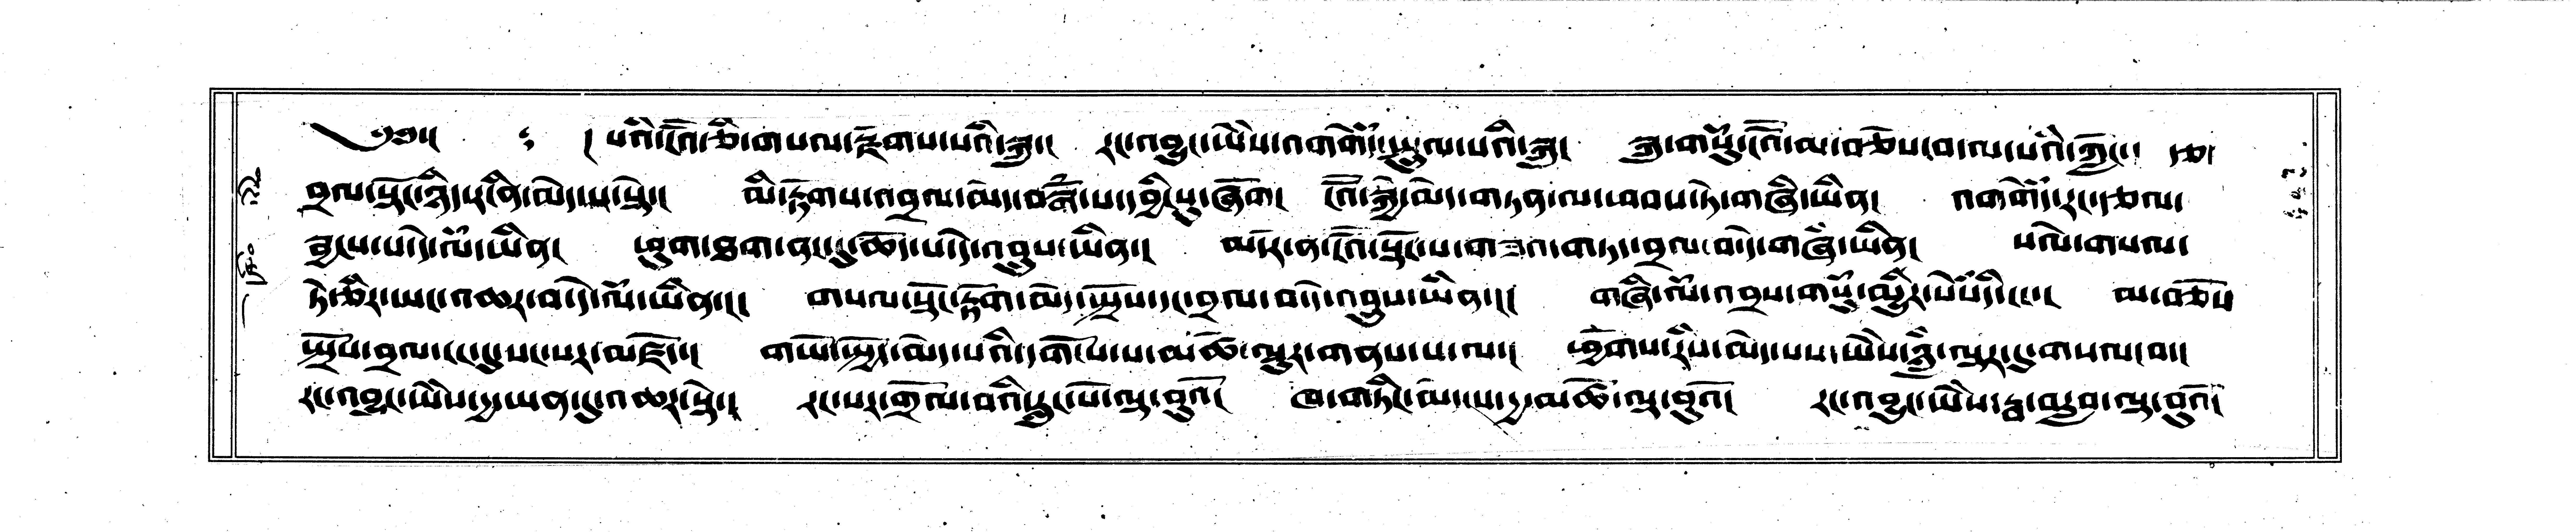པའི་ངོའོ་ཅིར་ཡང་གསལ་བ་རྫོགས་པའི་སྐུ། རང་འབྱུང་ཡེ་ཤེས་འགག་མེད་སྤྲུལ་པའི་སྐུ། སྐུ་གསུམ་ངོའོ་མ་བཅོས་བདལ་བའི་ཀློང་། རྩ་
བྲལ་སྟོང་ཉིད་རང་བཞིན་མེད་པ་སྟེ། མི་རྟོགས་འབྲལ་མེད་སྒོམ་པ་དབྱིངས་སུ་ཞོག ངོའོ་སྐྱེ་མེད་གཏན་ལ་ཕབ་པ་དེ་གཞི་ཡིན་ལ། གྷག་(འགག)མེད་རང་རྩལ་
སྦྱང་བ་དེ་ལམ་ཡིན་ལ། ཕུ་ཐག་ནང་དུ་ཆོད་པ་དེ་འབྲས་བུ་ཡིན་ནོ། མདོར་ན་ངོའོ་སྟོང་པ་གཟའ་གཏད་བྲལ་བ་དེ་གཞི་ཡིན་ལ། སལེ་གསལ་
ཏེ་ཅིར་ཡང་འཆར་བ་དེ་ལམ་ཡིན། གསལ་སྟོང་རྟོགས་མེད་སྤྲོས་དང་བྲལ་བ་དེ་འབྲས་བུ་ཡིན་ནོ། གཞི་ལམ་འབྲས་གསུམ་མི་འགྱུར་སེམས་ཉིད་ངང་། མ་བཅོས་
སྤྲོས་བྲལ་ཀློང་དུ་སངས་པར་མཛོད། གཡོ་སྤྱོད་མེད་པའི་དགོངས་པ་རྒྱ་མཚོ་ལྟར་དུ་གནས་པ་ལ། ཕྱོགས་རིས་མེད་པའི་ཡེ་ཤེས་ཉི་ཟླ་ལྟར་དུ་འཆར། 
རང་འབྱུང་གིས་ཡེ་ཤེས་རྒྱ་ཡན་དུ་འཆར་ཏེ། རང་སར་གྲོལ་བ་རླུང་པོ་ལྟ་བུའོ། རྒྱུན་ཆད་མེད་པ་ཆུའོ་ལྟ་བུ་ལ། མཁའ་གཏིང་མེད་པ་རྒྱ་མཚོ་ལྟ་བུ་ལ། རང་འབྱུང་ཡེ་ཤེས་རྦ་རླབས་ལྟ་བུའོ།